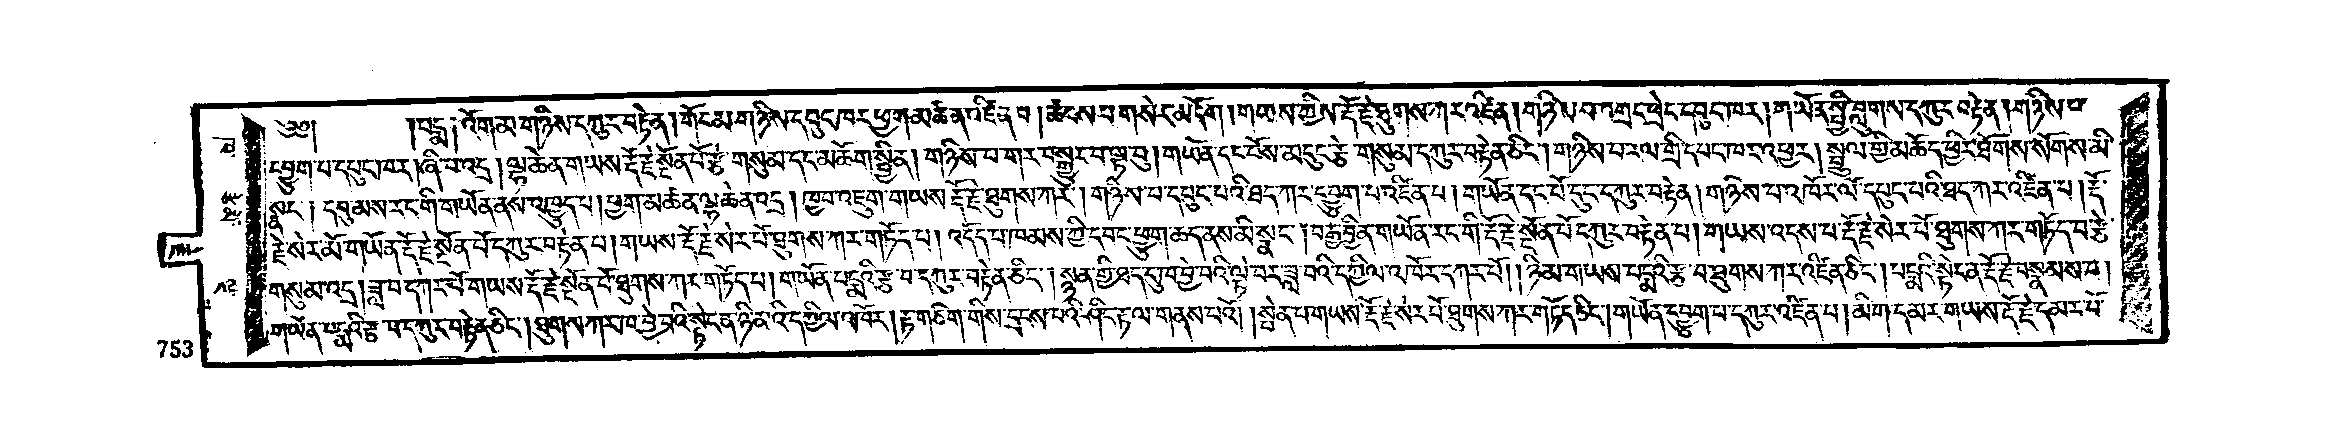༄༅། །པདམ། འོག་མ་གཉིས་དཀུར་བརྟེན། གོང་མ་གཉིས་དཔུང་ཁར་ཕྱག་མཚན་འཛིན་པ། ཚངས་པ་གསེར་མདོག །གཡས་ཀྱིས་རྡོ་རྗེ་ཐུགས་ཀར་འཛིན། གཉིས་པ་བགྲང་ཕྲེང་དཔུང་ཁར། གཡོན་སྤྱི་བླུགས་དཀུར་བརྟེན། གཉིས་པ་
དབྱུག་པ་དཔུང་ཁར། ཞི་བ་འདྲ། ལྷ་ཆེན་གཡས་རྡོ་རྗེ་སྔོན་པོ་རྩེ་གསུམ་དང་མཆོག་སྦྱིན། གཉིས་པ་གར་བསྒྱུར་བ་ལྟ་བུ། གཡོན་དང་པོས་མདུང་རྩེ་གསུམ་དཀུར་བརྟེན་ཅིང་། གཉིས་པ་རལ་གྲི་དཔང་ཁར་འཕྱར། སྦྲུལ་གྱི་མཆོད་ཕྱིར་ཐོགས་སོགས་མི་
སྣང་། དབུ་མས་རང་གི་གཡོན་ནས་འཁྱུད་པ། ཕྱག་མཚན་ལྷ་ཆེན་འདྲ། ཁྱབ་འཇུག་གཡས་རྡོ་རྗེ་ཐུགས་ཀར། གཉིས་པ་དཔུང་པའི་ཐད་ཀར་དབྱུག་པ་འཛིན་པ། གཡོན་དང་པོ་དུང་དཀུར་བརྟེན། གཉིས་པ་འཁོར་ལོ་དཔུང་པའི་ཐད་ཀར་འཛིན་པ། རྡོ་
རྗེ་སེར་མོ་གཡོན་རྡོ་རྗེ་སྔོན་པོ་དཀུར་བརྟེན་པ། གཡས་རྡོ་རྗེ་སེར་པོ་ཐུགས་ཀར་གཏོད་པ། འདོད་པ་ཁམས་ཀྱི་དབང་ཕྱུག་ཆད་ནས་མི་སྣང་། བརྒྱ་བྱིན་གཡོན་རང་གི་རྡོ་རྗེ་སྔོན་པོ་དཀུར་བརྟེན་པ། གཡས་འདས་པ་རྡོ་རྗེ་སེར་པོ་ཐུགས་ཀར་གཏོད་པ་རྩེ་
གསུམ་འདྲ། ཟླ་བ་དཀར་པོ་གཡས་རྡོ་རྗེ་སྔོན་པོ་ཐུགས་ཀར་གཏོད་པ། གཡོན་པདམའི་རྩ་བ་དཀུར་བརྟེན་ཅིང་། སྙན་གྱི་ཐད་དུ་ཁ་བྱེ་བའི་ལྟེ་བར་ཟླ་བའི་དཀྱིལ་འཁོར་དཀར་པོ། །ཉི་མ་གཡས་པདམའི་རྩ་བ་ཐུགས་ཀར་འཛིན་ཅིང་། པདམའི་སྟེང་ན་རྡོ་རྗེ་བསྣམས་པ།
གཡོན་པདམའི་རྩ་བ་དཀུར་བརྟེན་ཅིང་། ཐུགས་ཀར་ཁ་བྱེ་བའི་སྟེང་ན་ཉི་མའི་དཀྱིལ་འཁོར། རྟ་གཅིག་གིས་དྲངས་པའི་ཤིང་རྟ་ལ་གནས་པའོ། །སྤེན་པ་གཡས་རྡོ་རྗེ་སེར་པོ་ཐུགས་ཀར་གཏོད་ཅིང་། གཡོན་དབྱུག་པ་དཀུར་འཛིན་པ། མིག་དམར་གཡས་རྡོ་རྗེ་དམར་པོ་